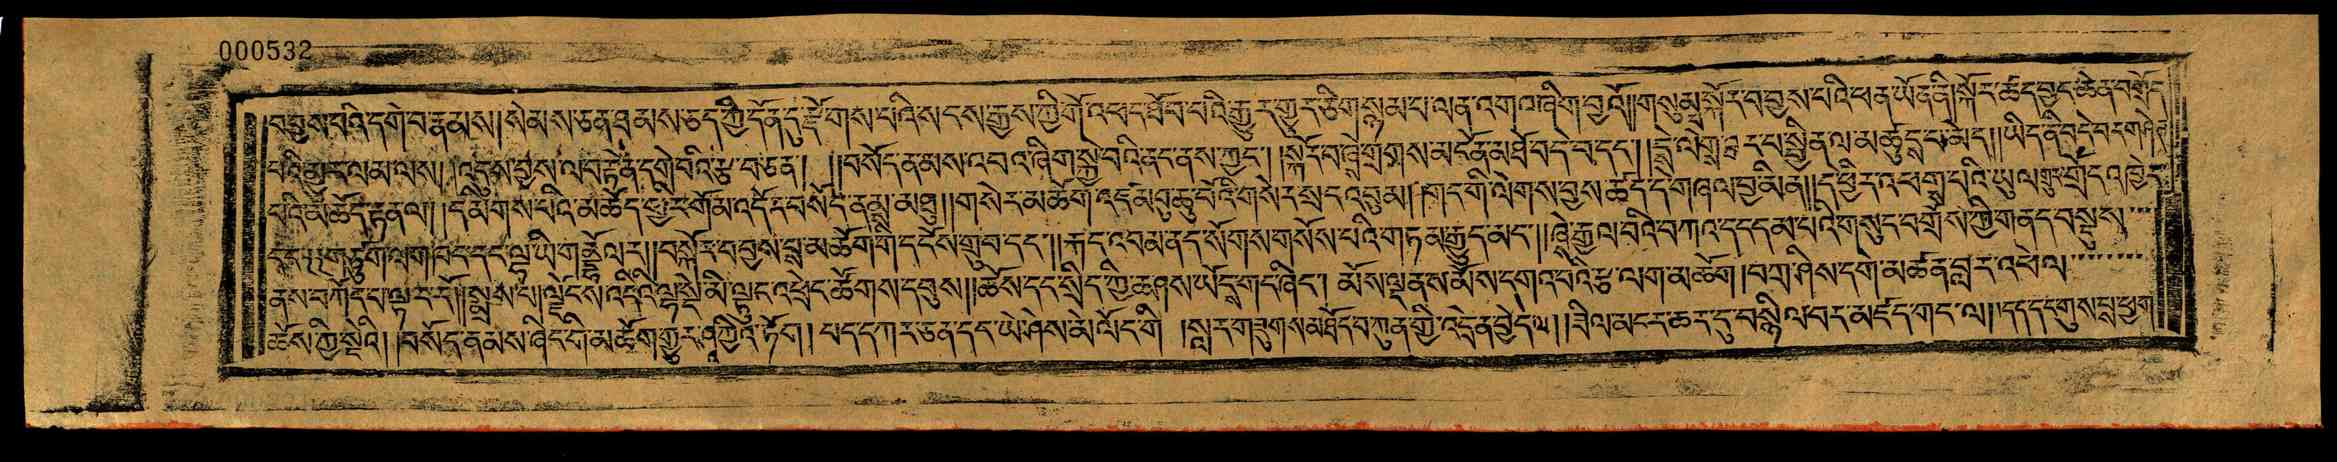བ་བྱས་པའི་དགེ་བ་རྣམས། སེམས་ཅན་ཐམས་ཅད་ཀྱི་དོན་དུ་་་རྫོགས་པའི་སངས་རྒྱས་ཀྱི་གོ་འཕང་ཐོབ་པའི་རྒྱུར་གྱུར་ཅིག་སྙམ་པ་ལན་འགའ་ཞིག་བྱའོ། །གསུམ་པ་སྐོར་བ་བྱས་པའི་ཕན་ཡོན་ནི། སྐོར་ཚད་བྱང་ཆེན་འགྲོད་པའི་མྱུར་
ལམ་ལས། །འདུས་བྱས་ལ་བརྟེན་དགེ་བའི་རྩ་བ་ཅན། །བསོད་ནམས་འབའ་ཞིག་སྐྱེ་བའི་ནང་ནས་ཀྱང་། །སྐོར་བ་ཞེས་གྲགས་མངོན་མཐོ་བདེ་བ་དང་། །ངེས་ལེགས་ཐར་པ་སྦྱིན་ལ་མཚུངས་པ་མེད། །ཡིད་ནི་བདེ་བར་གཤེགས་
པའི་མཆོད་རྟེན་ལ། །དམིགས་པའི་མཆོད་ཕྱིར་གོམ་འདོར་བསོད་ནམས་མཐུ། །གསེར་མཆོག་འཛམ་བུ་ཆུ་བོའི་གསེར་སྲང་འབུམ། །གང་གི་ལེགས་བྱས་ཚད་དེ་གཞལ་བྱ་མིན། །དེ་ཕྱིར་འཕགས་པའི་ཡུལ་གྱུར་གྲོང་ཁྱེར་དང་།
གཙུག་ལག་ཁང་དང་ལྷ་ཡི་གང་དྷོ་ལར། །བསྐོར་བ་བྱས་པས་མཆོག་གི་དངོས་གྲུབ་དང་། །རྐང་འབམ་ནད་སོགས་གསོས་བའི་གཏམ་རྒྱུད་མང་། །ཞེས་རྒྱལ་བའི་བཀའ་དང་དམ་པའི་གསུང་བགྲོས་ཀྱི་གནད་བསྡུས་
ནས་བཀོད་པ་ལྟར་རོ། །སྨྲས་པ། ལྗོངས་འདིའི་ལྷ་སྡེ་མི་ལྟུང་འཕྲེང་ཚོགས་དབུས། །ཆོས་དང་སྲིད་ཀྱི་ཆ་ཤས་ཡོངས་གང་ཞིང་། །མོས་ལྡན་བུ་མོས་དགའ་བའི་རྩ་ལག་མཆོག །བཀྲ་ཤིས་དགེ་མཚན་བླར་འཕེལ་
ཆོས་ཀྱི་སྡེའི། །བསོད་ནམས་ཞིང་གི་མཆོག་གྱུར་ཤཱཀྱའི་ཏོག །པད་དཀར་ཅན་དང་ཡེ་ཤེས་མེད་ལོང་གི། སླར་གཟུགས་མཐོང་བ་ཀུན་གྱི་འདྲེན་བྱེད་ལ། །ཟིལ་མངར་ཆར་དུ་བསྙིལ་བར་མཛད་གང་ལ། །དད་དང་གུས་པས་ཕྱག་